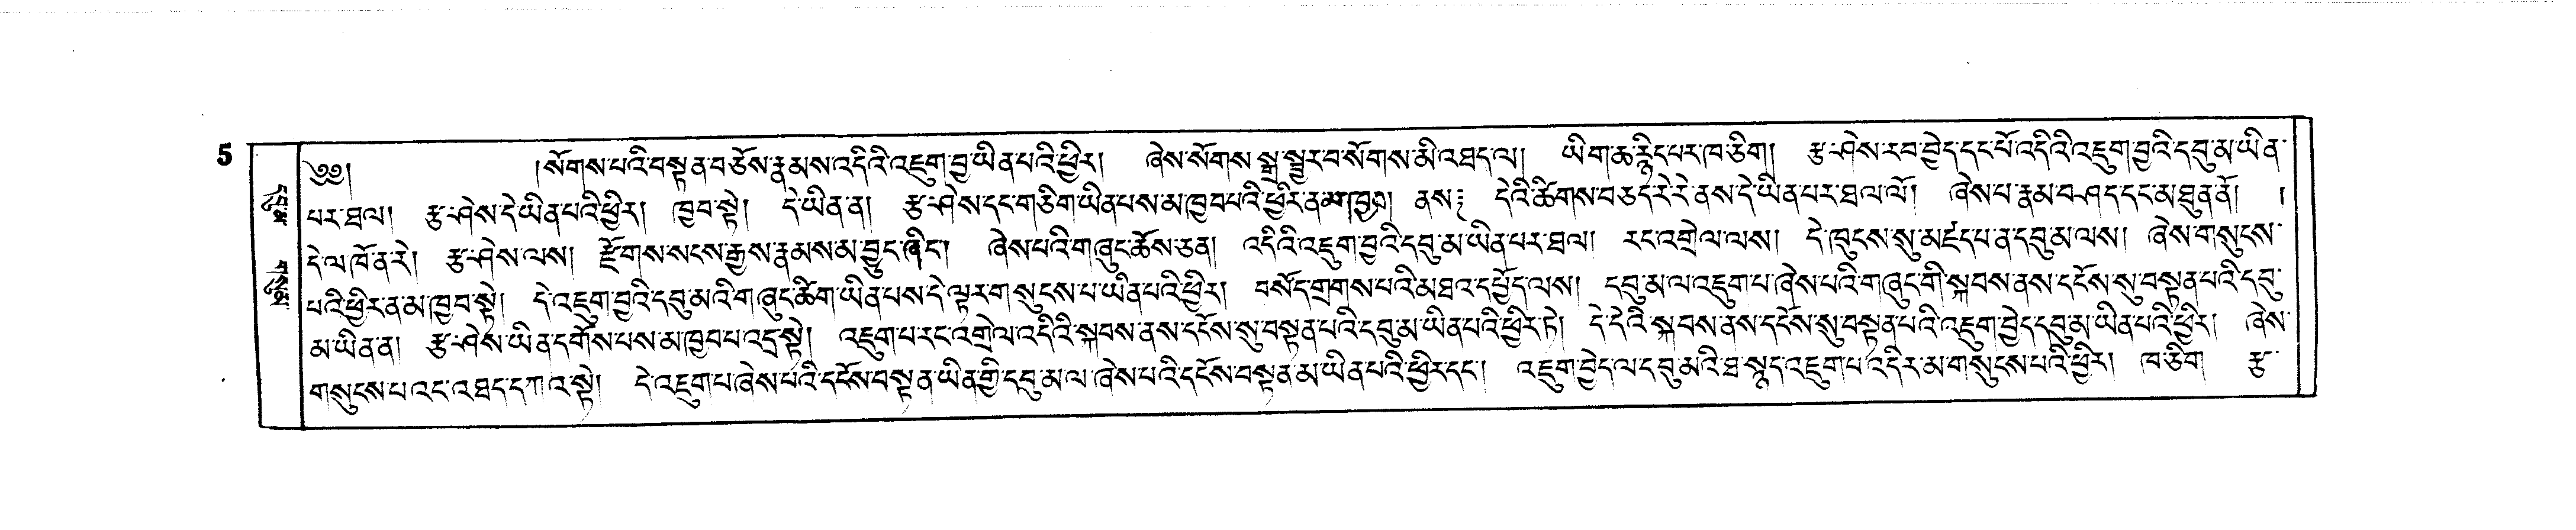༄༅། །སོགས་པའི་བསྟན་བཅོས་རྣམས་འདིའི་འཇུག་བྱ་ཡིན་པའི་ཕྱིར། ཞེས་སོགས་སྒྲ་སྦྱར་བ་སོགས་མི་འཐད་ལ། ཡིག་ཆ་རྙིང་པར་ཁ་ཅིག། རྩ་ཤེས་རབ་བྱེད་དང་པོ་འདིའི་འཇུག་བྱའི་དབུ་མ་ཡིན་
པར་ཐལ། རྩ་ཤེས་དེ་ཡིན་པའི་ཕྱིར། ཁྱབ་སྟེ། དེ་ཡིན་ན། རྩ་ཤེས་དང་གཅིག་ཡིན་པས་མ་ཁྱབ་པའི་ཕྱིར་ན་མ་ཁྱབ། ནས༑ དེའི་ཚིགས་བཅད་རེ་རེ་ནས་དེ་ཡིན་པར་ཐལ་ལོ། ཞེས་པ་རྣམ་བཤད་དང་མཐུན་ནོ། །
དེ་ལ་ཁོ་ན་རེ། རྩ་ཤེས་ལས། རྫོགས་སངས་རྒྱས་རྣམས་མ་བྱུང་ཞིང་། ཞེས་པའི་གཞུང་ཆོས་ཅན། འདིའི་འཇུག་བྱའི་དབུ་མ་ཡིན་པར་ཐལ། རང་འགྲེལ་ལས། དེ་ཁུངས་སུ་མཛད་པ་ན་དབུ་མ་ལས། ཞེས་གསུངས་
པའི་ཕྱིར་ན་མ་ཁྱབ་སྟེ། དེ་འཇུག་བྱའི་དབུ་མའི་གཞུང་ཚིག་ཡིན་པས་དེ་ལྟར་གསུངས་པ་ཡིན་པའི་ཕྱིར། བསོད་གྲགས་པའི་མཐའ་དཔྱོད་ལས། དབུ་མ་ལ་འཇུག་པ་ཞེས་པའི་གཞུང་གི་སྐབས་ནས་དངོས་སུ་བསྟན་པའི་དབུ་
མ་ཡིན་ན། རྩ་ཤེས་ཡིན་དགོས་པས་མ་ཁྱབ་པ་འདྲ་སྟེ། འཇུག་པ་རང་འགྲེལ་འདིའི་སྐབས་ནས་དངོས་སུ་བསྟན་པའི་དབུ་མ་ཡིན་པའི་ཕྱིར་ཏེ། དེ་དེའི་སྐབས་ནས་དངོས་སུ་བསྟན་པའི་འཇུག་བྱེད་དབུ་མ་ཡིན་པའི་ཕྱིར། ཞེས་
གསུངས་པའང་འཐད་དཀའ་སྟེ། དེ་འཇུག་པ་ཞེས་པའི་དངོས་བསྟན་ཡིན་གྱི་དབུ་མ་ལ་ཞེས་པའི་དངོས་བསྟན་མ་ཡིན་པའི་ཕྱིར་དང་། འཇུག་བྱེད་ལ་དབུ་མའི་ཐ་སྙད་འཇུག་པ་འདིར་མ་གསུངས་པའི་ཕྱིར། ཁ་ཅིག་རྩ་